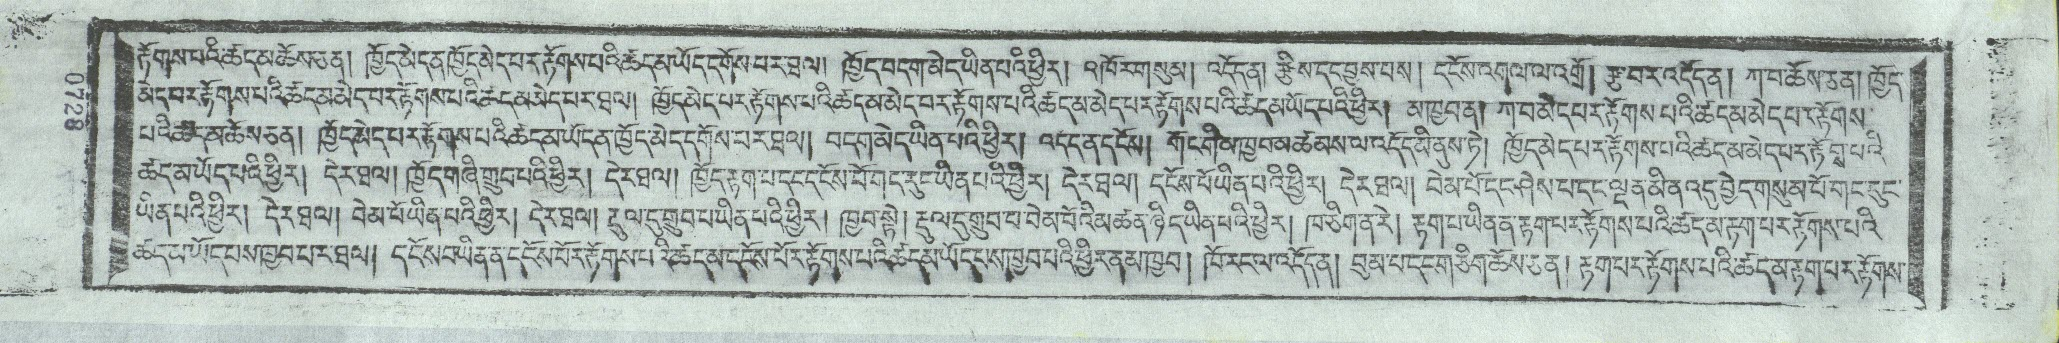རྟོགས་པའི་ཚད་མ་ཆོས་ཅན། ཁྱོད་མེད་ན་ཁྱོད་མེད་པར་རྟོགས་པའི་ཚད་མ་ཡོད་དགོས་པར་ཐལ། ཁྱོད་བག་མེད་ཡིན་པའི་ཕྱིར། འཁོར་གསུམ། འདོད་ན། རྩིས་དང་བྱས་པས། དངོས་འགལ་ལ་འགྲོ། རྩ་བར་འདོད་ན། ཀ་བ་ཆོས་ཅན། ཁྱོད་
མེད་པར་རྟོགས་པའི་ཚད་མ་མེད་པར་རྟོགས་པའི་ཚད་མ་མེད་པར་ཐལ། ཁྱོད་མེད་པར་རྟོགས་པའི་ཚད་མ་མེད་པར་རྟོགས་པའི་ཚད་མ་མེད་པར་རྟོགས་པའི་ཚད་མ་ཡོད་པའི་ཕྱིར། མ་ཁྱབ་ན། ཀ་བ་མེད་པར་རྟོགས་པའི་ཚད་མ་མེད་པར་རྟོགས་
པའི་ཚད་མ་ཆོས་ཅན། ཁྱོད་མེད་པར་རྟོགས་པའི་ཚད་མ་ཡོད་ན་ཁྱོད་མེད་དགོས་པར་ཐལ། བདག་མེད་ཡིན་པའི་ཕྱིར། འདོད་ན་དངོས། གོང་གི་མ་ཁྱབ་མཚམས་ལ་འདོད་མི་ནུས་ཏེ། ཁྱོད་མེད་པར་རྟོགས་པའི་ཚད་མ་མེད་པར་རྟོགས་པའི་
ཚད་མ་ཡོད་པའི་ཕྱིར། དེར་ཐལ། ཁྱོད་གཞི་གྲུབ་པའི་ཕྱིར། དེར་ཐལ། ཁྱོད་རྟག་པ་དང་དངོས་པོ་གང་རུང་ཡིན་པའི་ཕྱིར། དེར་ཐལ། དངོས་པོ་ཡིན་པའི་ཕྱིར། དེར་ཐལ། བེམ་པོ་དང་ཤེས་པ་དང་ལྡན་མིན་འདུ་བྱེད་གསུམ་པོ་གང་རུང་
ཡིན་པའི་ཕྱིར། དེར་ཐལ། བེམ་པོ་ཡིན་པའི་ཕྱིར། དེར་ཐལ། རྡུལ་དུ་གྲུབ་པ་ཡིན་པའི་ཕྱིར། ཁྱབ་སྟེ། རྡུལ་དུ་གྲུབ་པ་བེམ་པོའི་མཚན་ཉིད་ཡིན་པའི་ཕྱིར། ཁ་ཅིག་ན་རེ། རྟགས་ཡིན་ན་རྟག་པར་རྟོགས་པའི་ཚད་མ་རྟག་པར་རྟོགས་པའི་
ཚད་མ་ཡོད་པས་ཁྱབ་པར་ཐལ། དངོས་པ་ཡིན་ན་དངོས་པོར་རྟོགས་པའི་ཚད་མ་དངོས་པོར་རྟོགས་པའི་ཚད་མ་ཡོད་པས་ཁྱབ་པའི་ཕྱིར་ན་མ་ཁྱབ། ཁོ་རང་ལ་འདོད་ན། བུམ་པ་དང་གཅིག་ཆོས་ཅན། རྟག་པར་རྟོགས་པའི་ཚད་མ་རྟག་པར་རྟོགས་